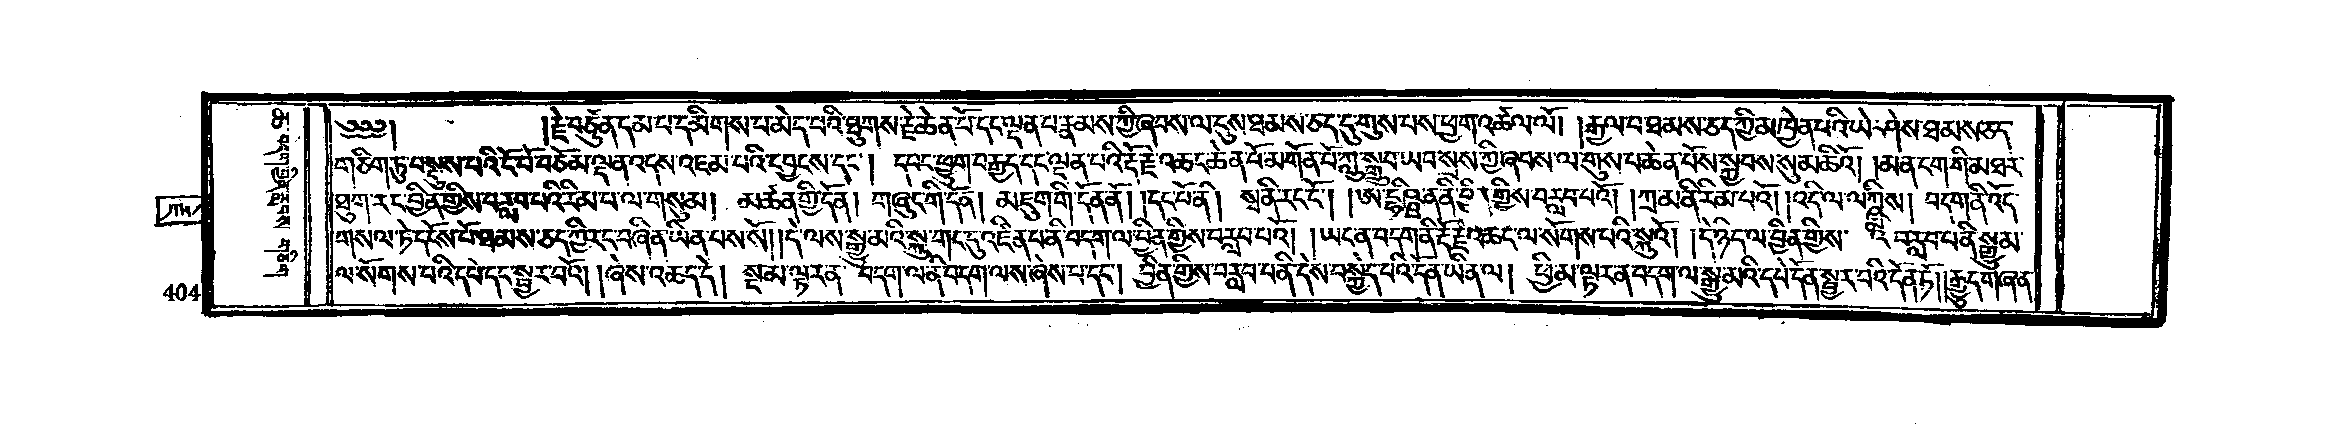༄༅༅། །རྗེ་བཙུན་དམ་པ་དམིགས་པ་མེད་པའི་ཐུགས་རྗེ་ཆེན་པོ་དང་ལྡན་པ་རྣམས་ཀྱི་ཞབས་ལ་དུས་ཐམས་ཅད་དུ་གུས་པས་ཕྱག་འཚལ་ལོ། །རྒྱལ་བ་ཐམས་ཅད་ཀྱི་མཁྱེན་པའི་ཡེ་ཤེས་ཐམས་ཅད་
གཅིག་ཏུ་བསྡུས་པའི་ངོ་བོ་བཅོམ་ལྡན་འདས་འཇམ་པའི་དབྱངས་དང་། དབང་ཕྱུག་བརྒྱད་དང་ལྡན་པའི་རྡོ་རྗེ་འཆང་ཆེན་པོ་མགོན་པོ་ཀླུ་སྒྲུབ་ཡབ་སྲས་ཀྱི་ཞབས་ལ་གུས་པ་ཆེན་པོས་སྐྱབས་སུ་མཆིའོ། །མན་ངག་གི་མཐར་
ཐུག་རང་བྱིན་གྱིས་བརླབ་པའི་རིམ་པ་ལ་གསུམ། མཚན་གྱི་དོན། གཞུང་གྱི་དོན། མཇུག་གི་དོན་ནོ། །དང་པོ་ནི། སྭ་ནི་རང་ངོ། །ཨ་དྷིཥཊཿཨ་ན་ནི་བྱིན་གྱིས་བརླབ་པའོ། །ཀྲ་མ་ནི་རིམ་པའོ། །འདི་ལ་ལཀྵྨཱིས། བདག་ནི་འོད་
གསལ་ཏེ་དངོས་པོ་ཐམས་ཅད་ཀྱི་རང་བཞིན་ཡིན་པས་སོ། །དེ་ལས་སྒྱུ་མའི་སྐུ་གང་དུ་འཛིན་པ་ནི་བདག་ལ་བྱིན་གྱིས་བརླབ་པའོ། །ཡང་ན་བདག་ནི་རྡོ་རྗེ་འཆང་ལ་སོགས་པའི་སྐུའོ། །དེ་ཉིད་ལ་བྱིན་གྱིས་བརླབ་པ་ནི་སྒྱུ་མ་
ལ་སོགས་པའི་དཔེ་དང་སྦྱར་བའོ། །ཞེས་འཆད་དེ། སྔ་མ་ལྟར་ན་བདག་ལ་ནི་བདག་ལས་ཞེས་པ་དང་། བྱིན་གྱིས་བརླབ་པ་ནི་དེས་བསྐྱེད་པའི་དོན་ཡིན་ལ། ཕྱི་མ་ལྟར་ན་བདག་ལ་སྒྱུ་མའི་དཔེ་དོན་སྦྱར་བའི་དོན་ཏོ། །རྒྱུད་གཞན་